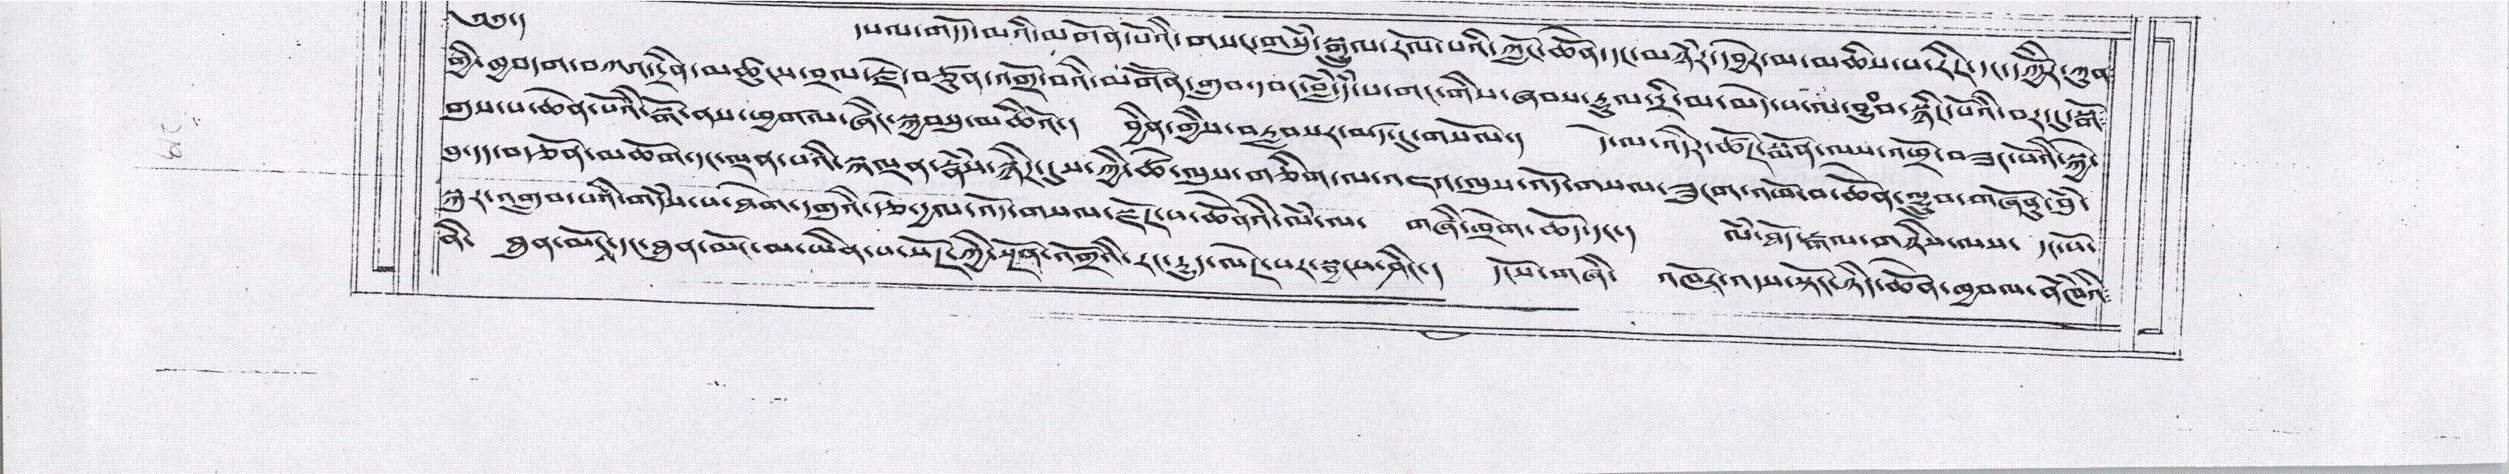༄༅།། དཔལ་གདོད་མའི་མགོན་པོའི་གསང་གསུམ་སྒྱུ་འཕྲུལ་རོལ་པའི་ཀློང་ཆེན་པོ་དང་མཉམ་པར་དབྱེར་མ་མཆིས་པ་རིགས་དང་དཀྱིལ་འཁོར་ཀུན་
གྱི་ཁྱབ་བདག་བཀའ་དྲིན་མཚུངས་བྲལ་རྗེ་བཙུན་འགྲོ་བའི་མགོན་པོ་གྲུབ་དབང་བླ་མ་དམ་པ་གང་གི་ཞབས་རྡུལ་དྲི་མ་མེད་པ་ལ་བྱང་ཆུབ་སྙིང་པོའི་བར་དུ་སྒོ་གསུམ་
གུས་པ་ཆེན་པོའི་སྒོ་ནས་ཕྱག་འཚལ་ཞིང་སྐྱབས་སུ་མཆིའོ། །བྱིན་གྱིས་བརླབ་པར་མཛད་དུ་གསོལ། །དེ་ལ་འདིར་ཚོགས་སྨོན་ལས་འཕྲོ་བཟང་པོའི་སྐྱེས་
བུ་དད་བརྩོན་མཆོག་དང་ལྡན་པའི་སྐལ་ལྡན་རྣམས་སྙིགས་དུས་ཀྱི་ཚེ་ལུས་གཅིག་ལ་འཇའ་ལུས་འོད་གསལ་ཟུང་འཇུག་འཕོ་བ་ཆེན་པོ་ལྷུན་གྲུབ་གཞོན་ནུ་བུམ་
སྐུ་འགྲུབ་པའི་གདམས་པ། ཐེག་དགུའི་རྩེ་རྒྱལ་འོད་གསལ་རྫོགས་པ་ཆེན་པོའི་ལམ་ལ་གཞི་ཁྲེག་ཆོད། ལམ་ཐོད་རྒལ་གཉིས་ལས། དང་པོ་
ལ། ཐུན་མོང་དང་ཐུན་མོང་མ་ཡིན་པ་སོགས་ཀྱི་སྔོན་འགྲོའི་རང་རྒྱུད་ལེགས་པར་སྦྱངས་ཤིང་། དངོས་གཞི་འཁོར་འདས་སྟོང་ཉིད་ཆེན་པོ་ཁྱབ་བདལ་ནམ་མཁའི་